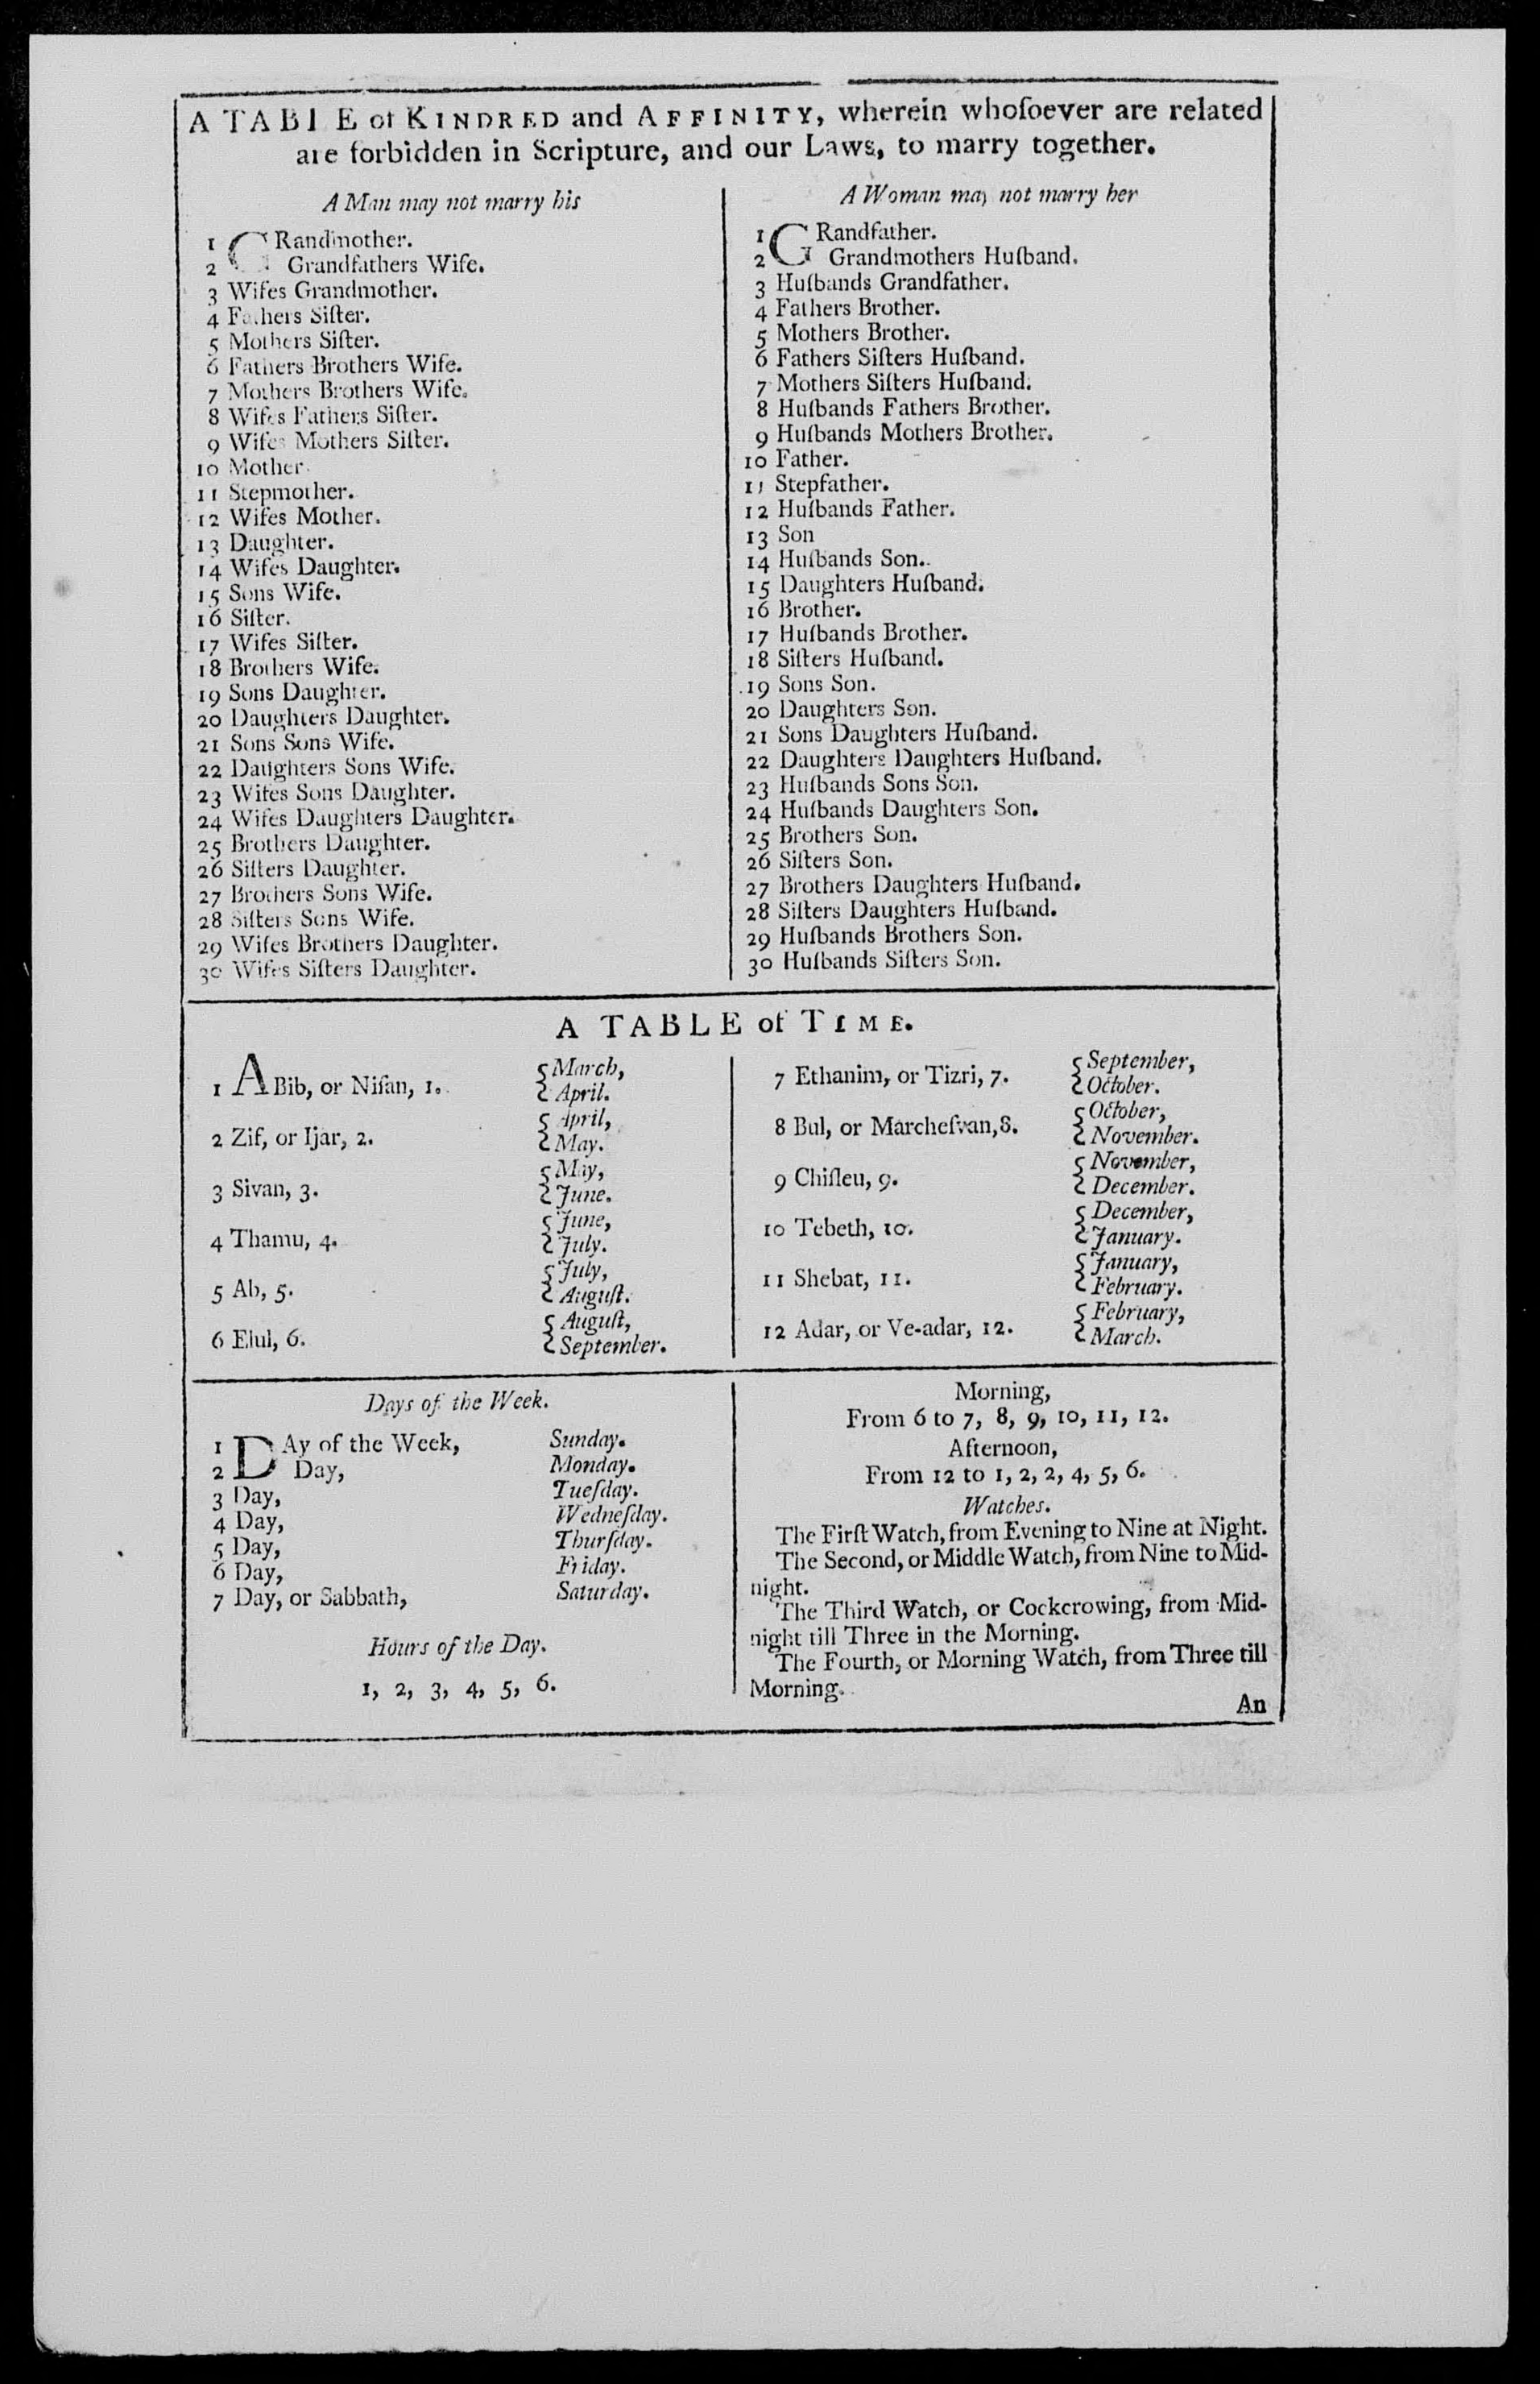A TABLE OF KINDRED and AFFINITY, wherein whosoever are related are forbidden in Scripture, and our Laws, to marry together.
A Man may not marry his
1 GRandmother.
2 Grandfathers Wife.
3 Wifes Grandmother.
4 Fathers Sister.
5 Mothers Sister.
6 Fathers Brothers Wife.
7 Mothers Brothers Wife.
8 Wifes Fatherss Sister.
9 Wifes Mothers Sister.
10 Mother.
11 Stepmother.
12 Wifes Mother.
13 Daughter.
14 Wifes Daughter.
15 Sons Wife.
16 Sister.
17 Wifes Sister.
18 Brothers Wife.
19 Sons Daughter.
20 Daughters Daughter.
21 Sons Sons Wife.
22 Daughters Sons Wife.
23 Wifes Sons Daughter.
24 Wifes Daughters Daughter.
25 Brothers Daughter.
26 Sisters Daughter.
27 Brothers Sons Wife.
28 Sisters Sons Wife.
29 Wifes Brothers Daughter.
30 Wifes Sisters Daughter.

A Woman may not marry her
1 GRandfather.
2 Grandmothers Husband,
3 Husbands Grandfather,
4 Fathers Brother.
5 Mothers Brother.
6 Fathers Sisters Husband.
7 Mothers Sisters Husband.
8 Husbands Fathers Brother.
9 Husbands Mothers Brother.
10 Father.
11 Stepfather.
12 Husbands Father.
13 Son
14 Husbands Son.
15 Daughters Husband.
16 Brother.
17 Husbands Brother.
18 Sisters Husband.
19 Sons Son.
20 Daughters Son.
21 Sons Daughters Husband.
22 Daughters Daughters Husband.
23 Husbands Sons Son.
24 Husbands Daughters Son.
25 Brothers Son.
26 Sisters Son.
27 Brothers Daughters Husband.
28 Sisters Daughters Husband.
29 Husbands Brothers Son.
30 Husbands Sisters Son.

A TABLE OF TIME.
1 Abib, or Nisan, 1. {March, April.
2 Zif, or Ijar, 2. {April, May.
3 Sivan, 3. {May, June.
4 Thamu, 4. {June, July.
5 Ab, 5. {July, August.
6 Elul, 6. {Augst, September.
7 Ethanim, or Tizri, 7. {September, October.
8 Bul, or Marchesvan, 8. {October, November.
9 Chisleu, 9. {November, December.
10 Tebeth, 10. {December, January.
11 Shebat, 11. {January, February.
12 Adar, or Ve-adar, 12. {February, March.

Days of the Week.
1 Day of the Week, Sunday.
2 Day, Monday.
3 Day, Tuesday.
4 Day, Wednesday.
5 Day, Thursday.
6 Day, Friday.
7 Day, or Sabbath, Saturday.

Hours of the Day
1, 2, 3, 4, 5. 6.

Morning,
From 6 to 7, 8, 9, 10, 11, 12.
Afternoon,
From 12 to 1, 2, 2, 4, 5, O.
Watches.
The First Watch, from Evening to Nine at Night.
The Second, or Middle Watch, from Nine to Midnight.
The Third Watch, or Cockcrowing, from Midnight till Three in the Morning.
The Fourth, or Morning Watch, from Three till Morning.
An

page: 18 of 61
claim: widow's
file: W. 4.124, Luther Barney, Conn. Privateer.